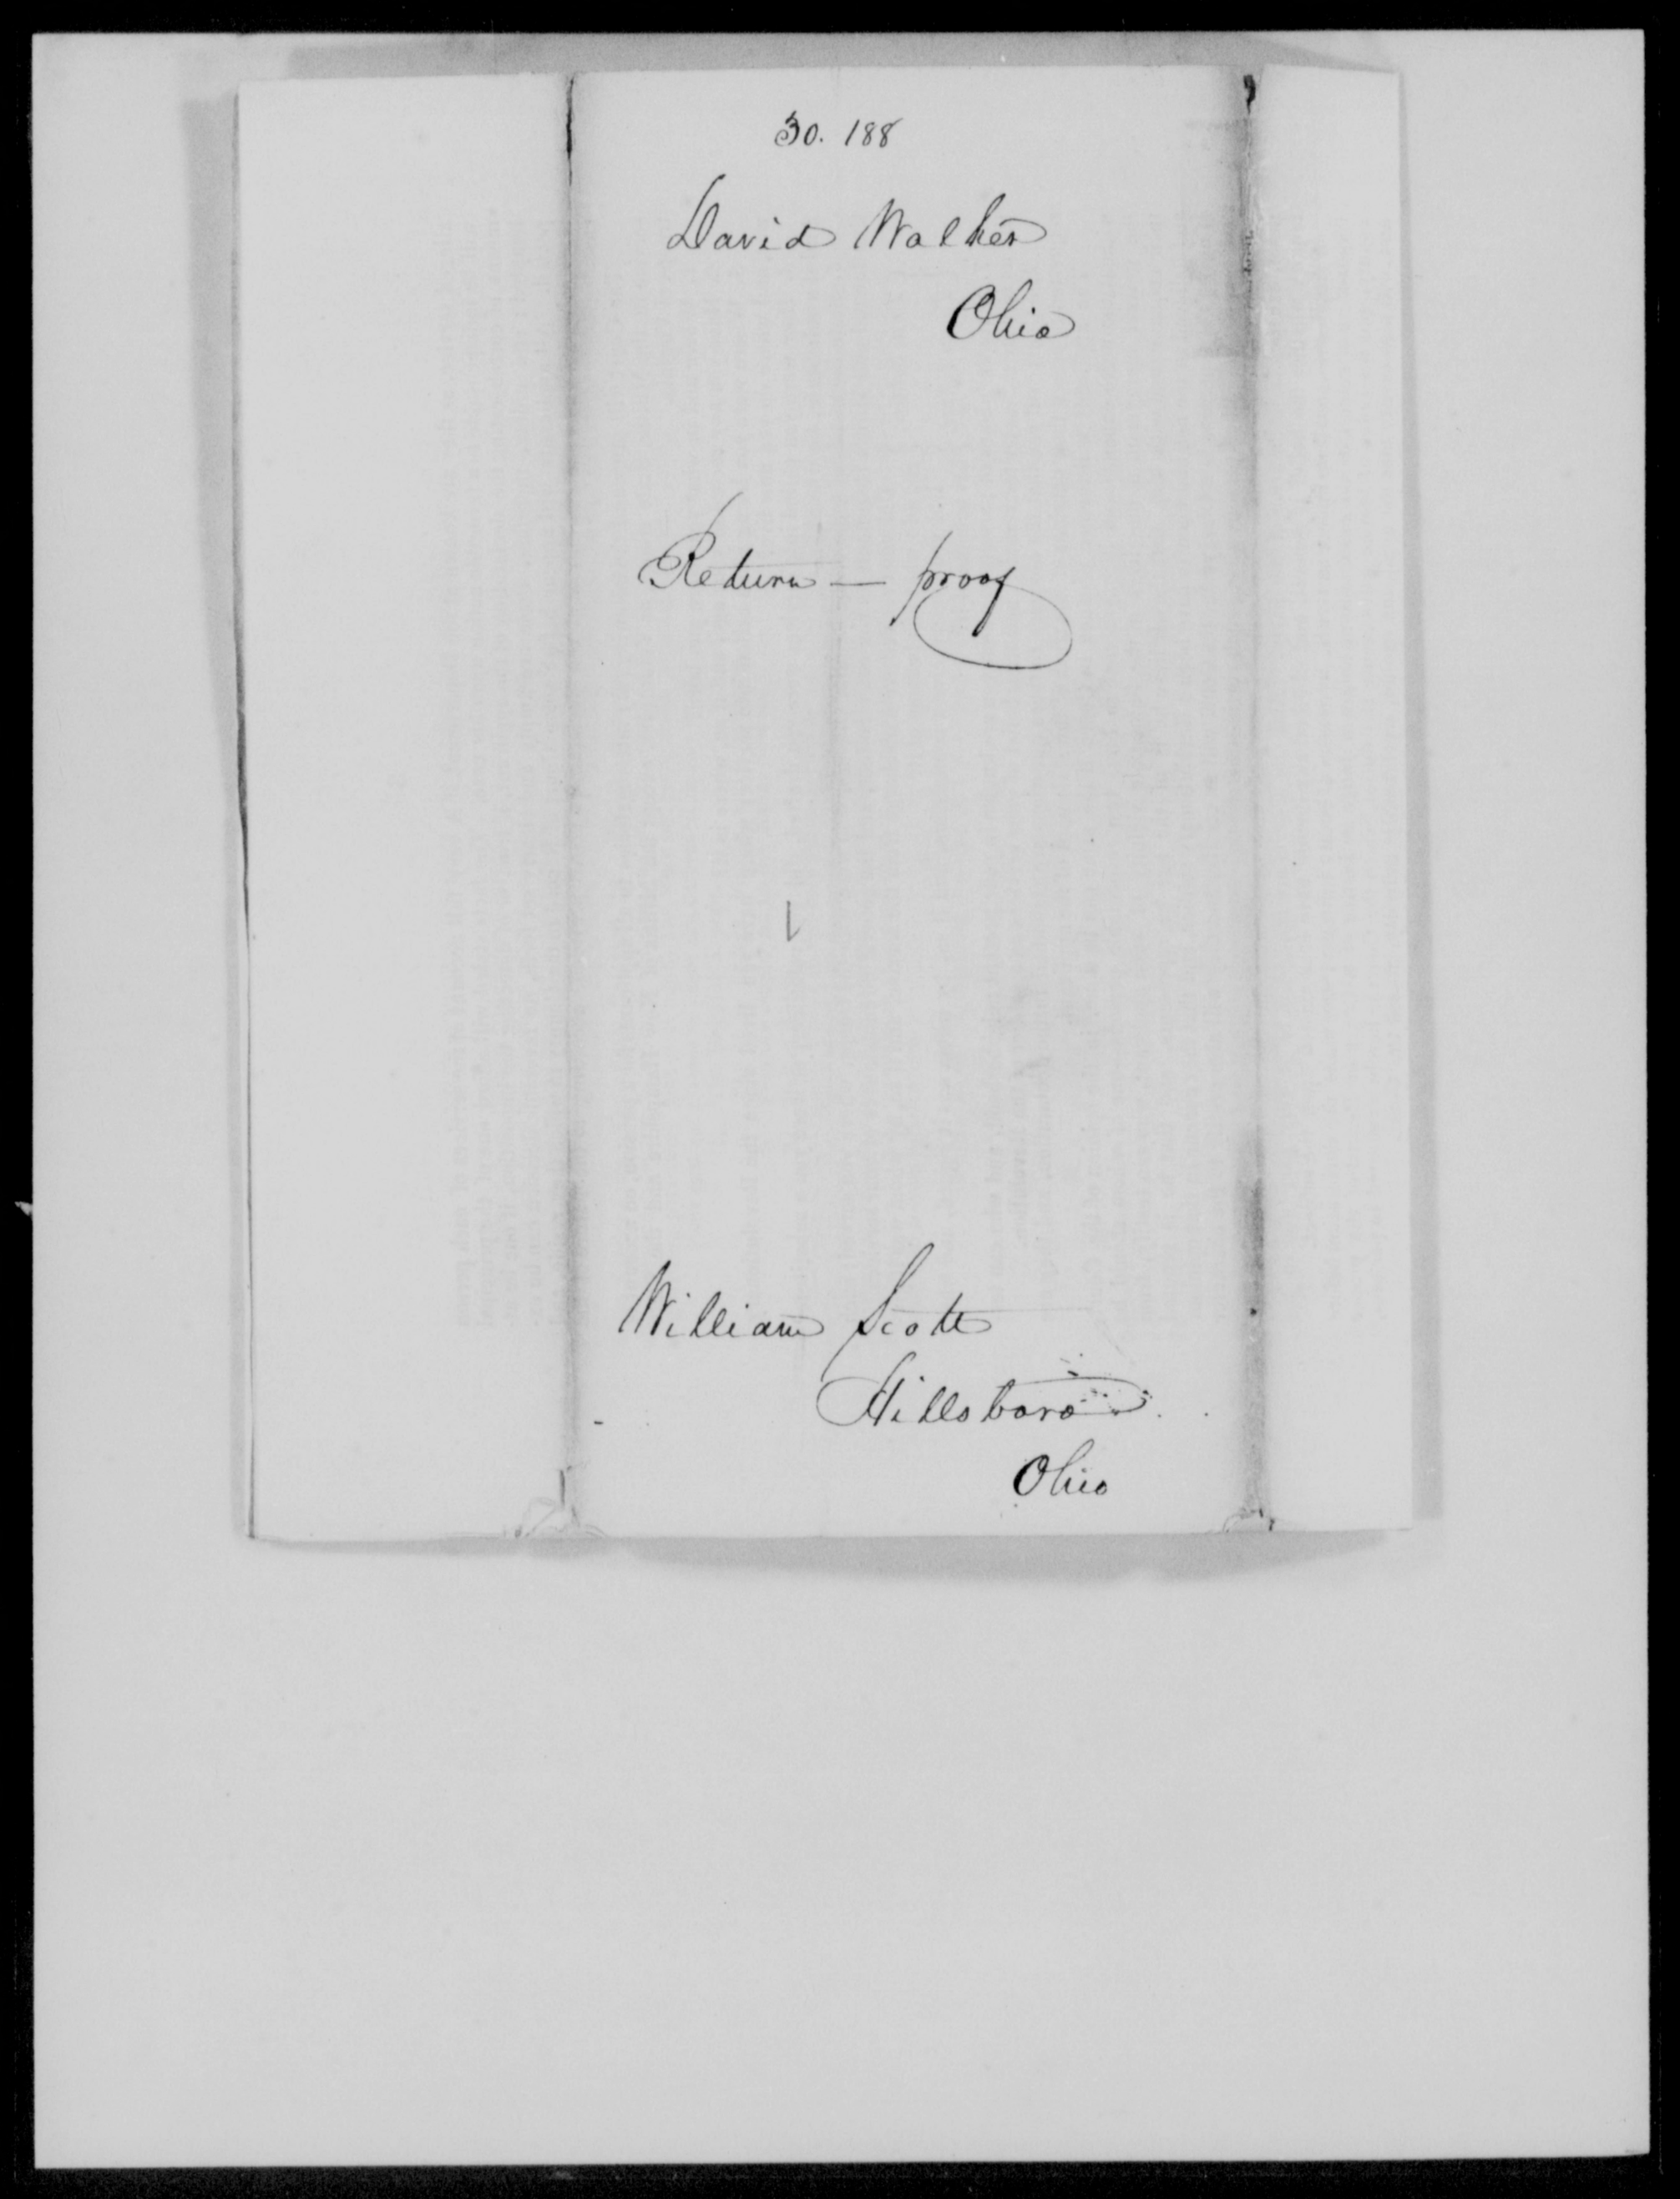30.188
David Walker
Ohio
Return proof

William Scott
Hillsboro
Ohio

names: William Scott, David Walker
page: 32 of 37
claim: rejected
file: R. 11047, David Walker, N.C.